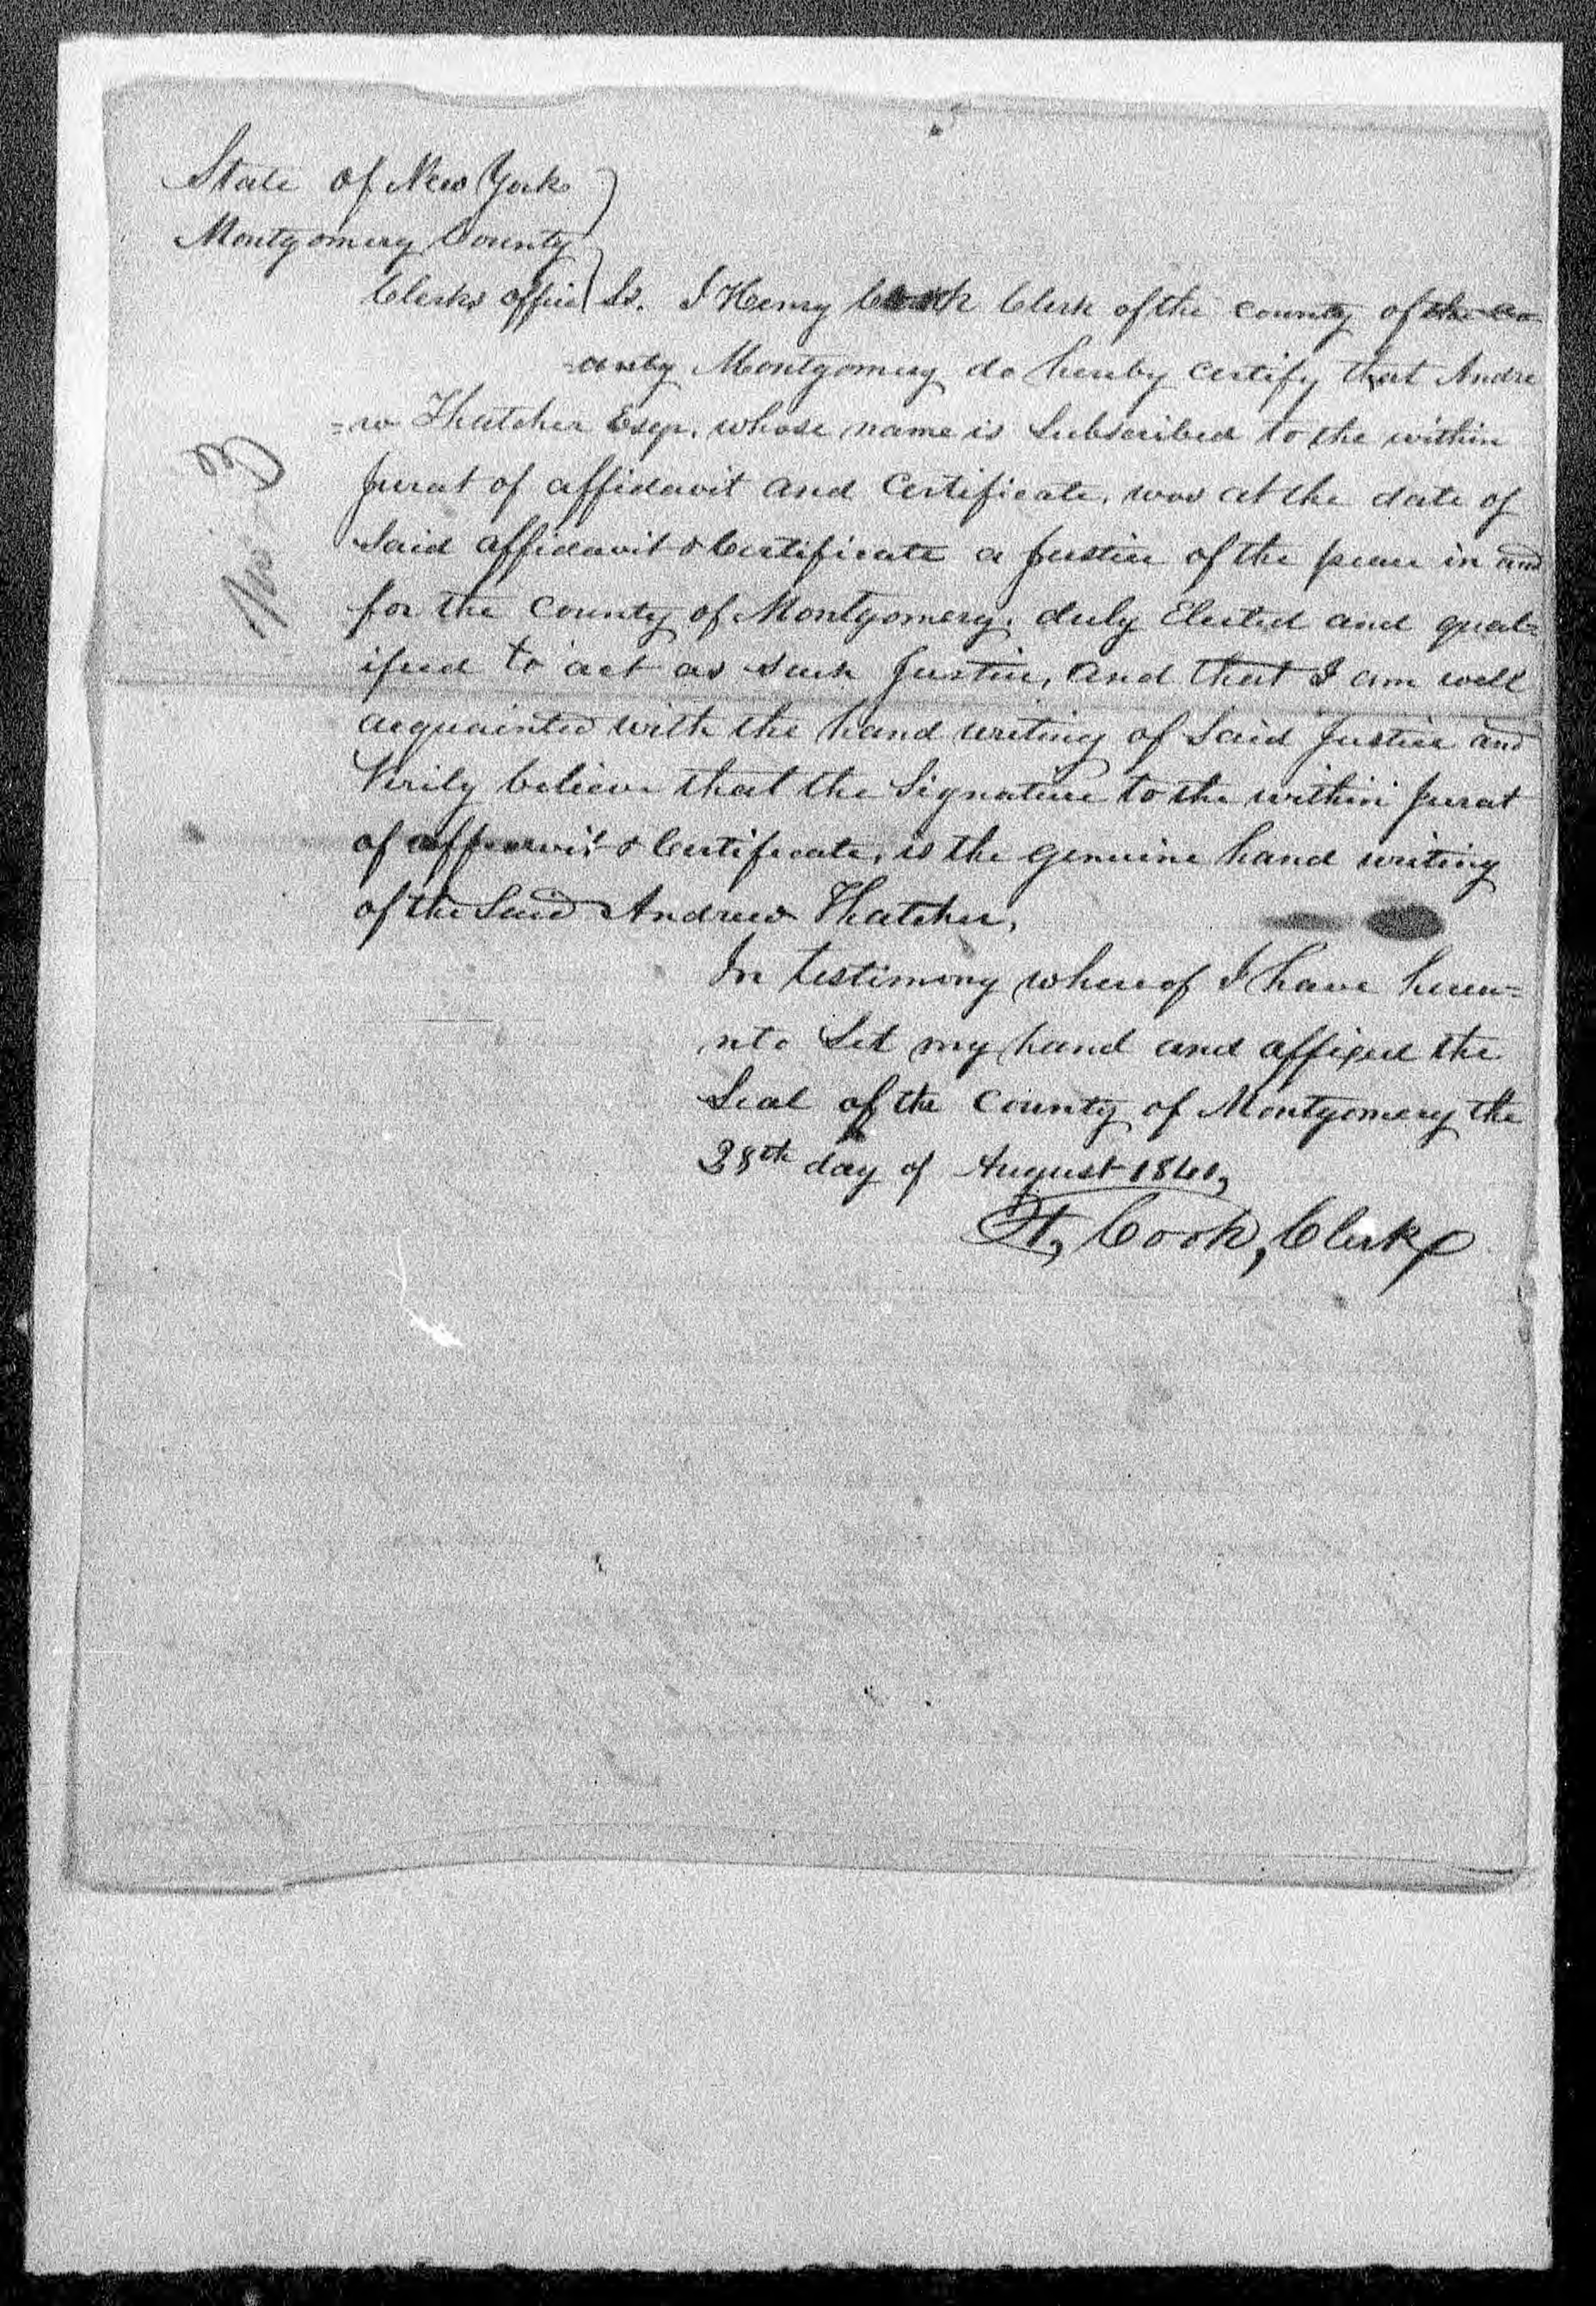State of New York
Montgomery County
Clerks Office} Ss

I Henry Cook Clerk of the County of Montgomery do hereby certify that Andrew Thatcher Esq. whose name is Subscribed to the within Jurat of affidavit and certificate, was at the date of said affidavit & certificate a Justice of the peace in and for the county of Montgomery, duly Elected and qualified to act as such Justice, and that I am well acquianted with the hand writing of Said Justice and Verily believe that the Signature to the within Jurat of Affidavit & Certificate, is the genuine hand writing of the Said Andrew Thatcher,
In testimony whereof I have herunto Set my hand and affixed the Seal of the County of Montgomery the 28th day of August 1841
H. Cook, Clerk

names: Henry Cook, Andrew Thatcher, Andrew Thatcher, H Cook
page: 66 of 68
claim: rejected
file: R. 2,360, John Couch, Conn.